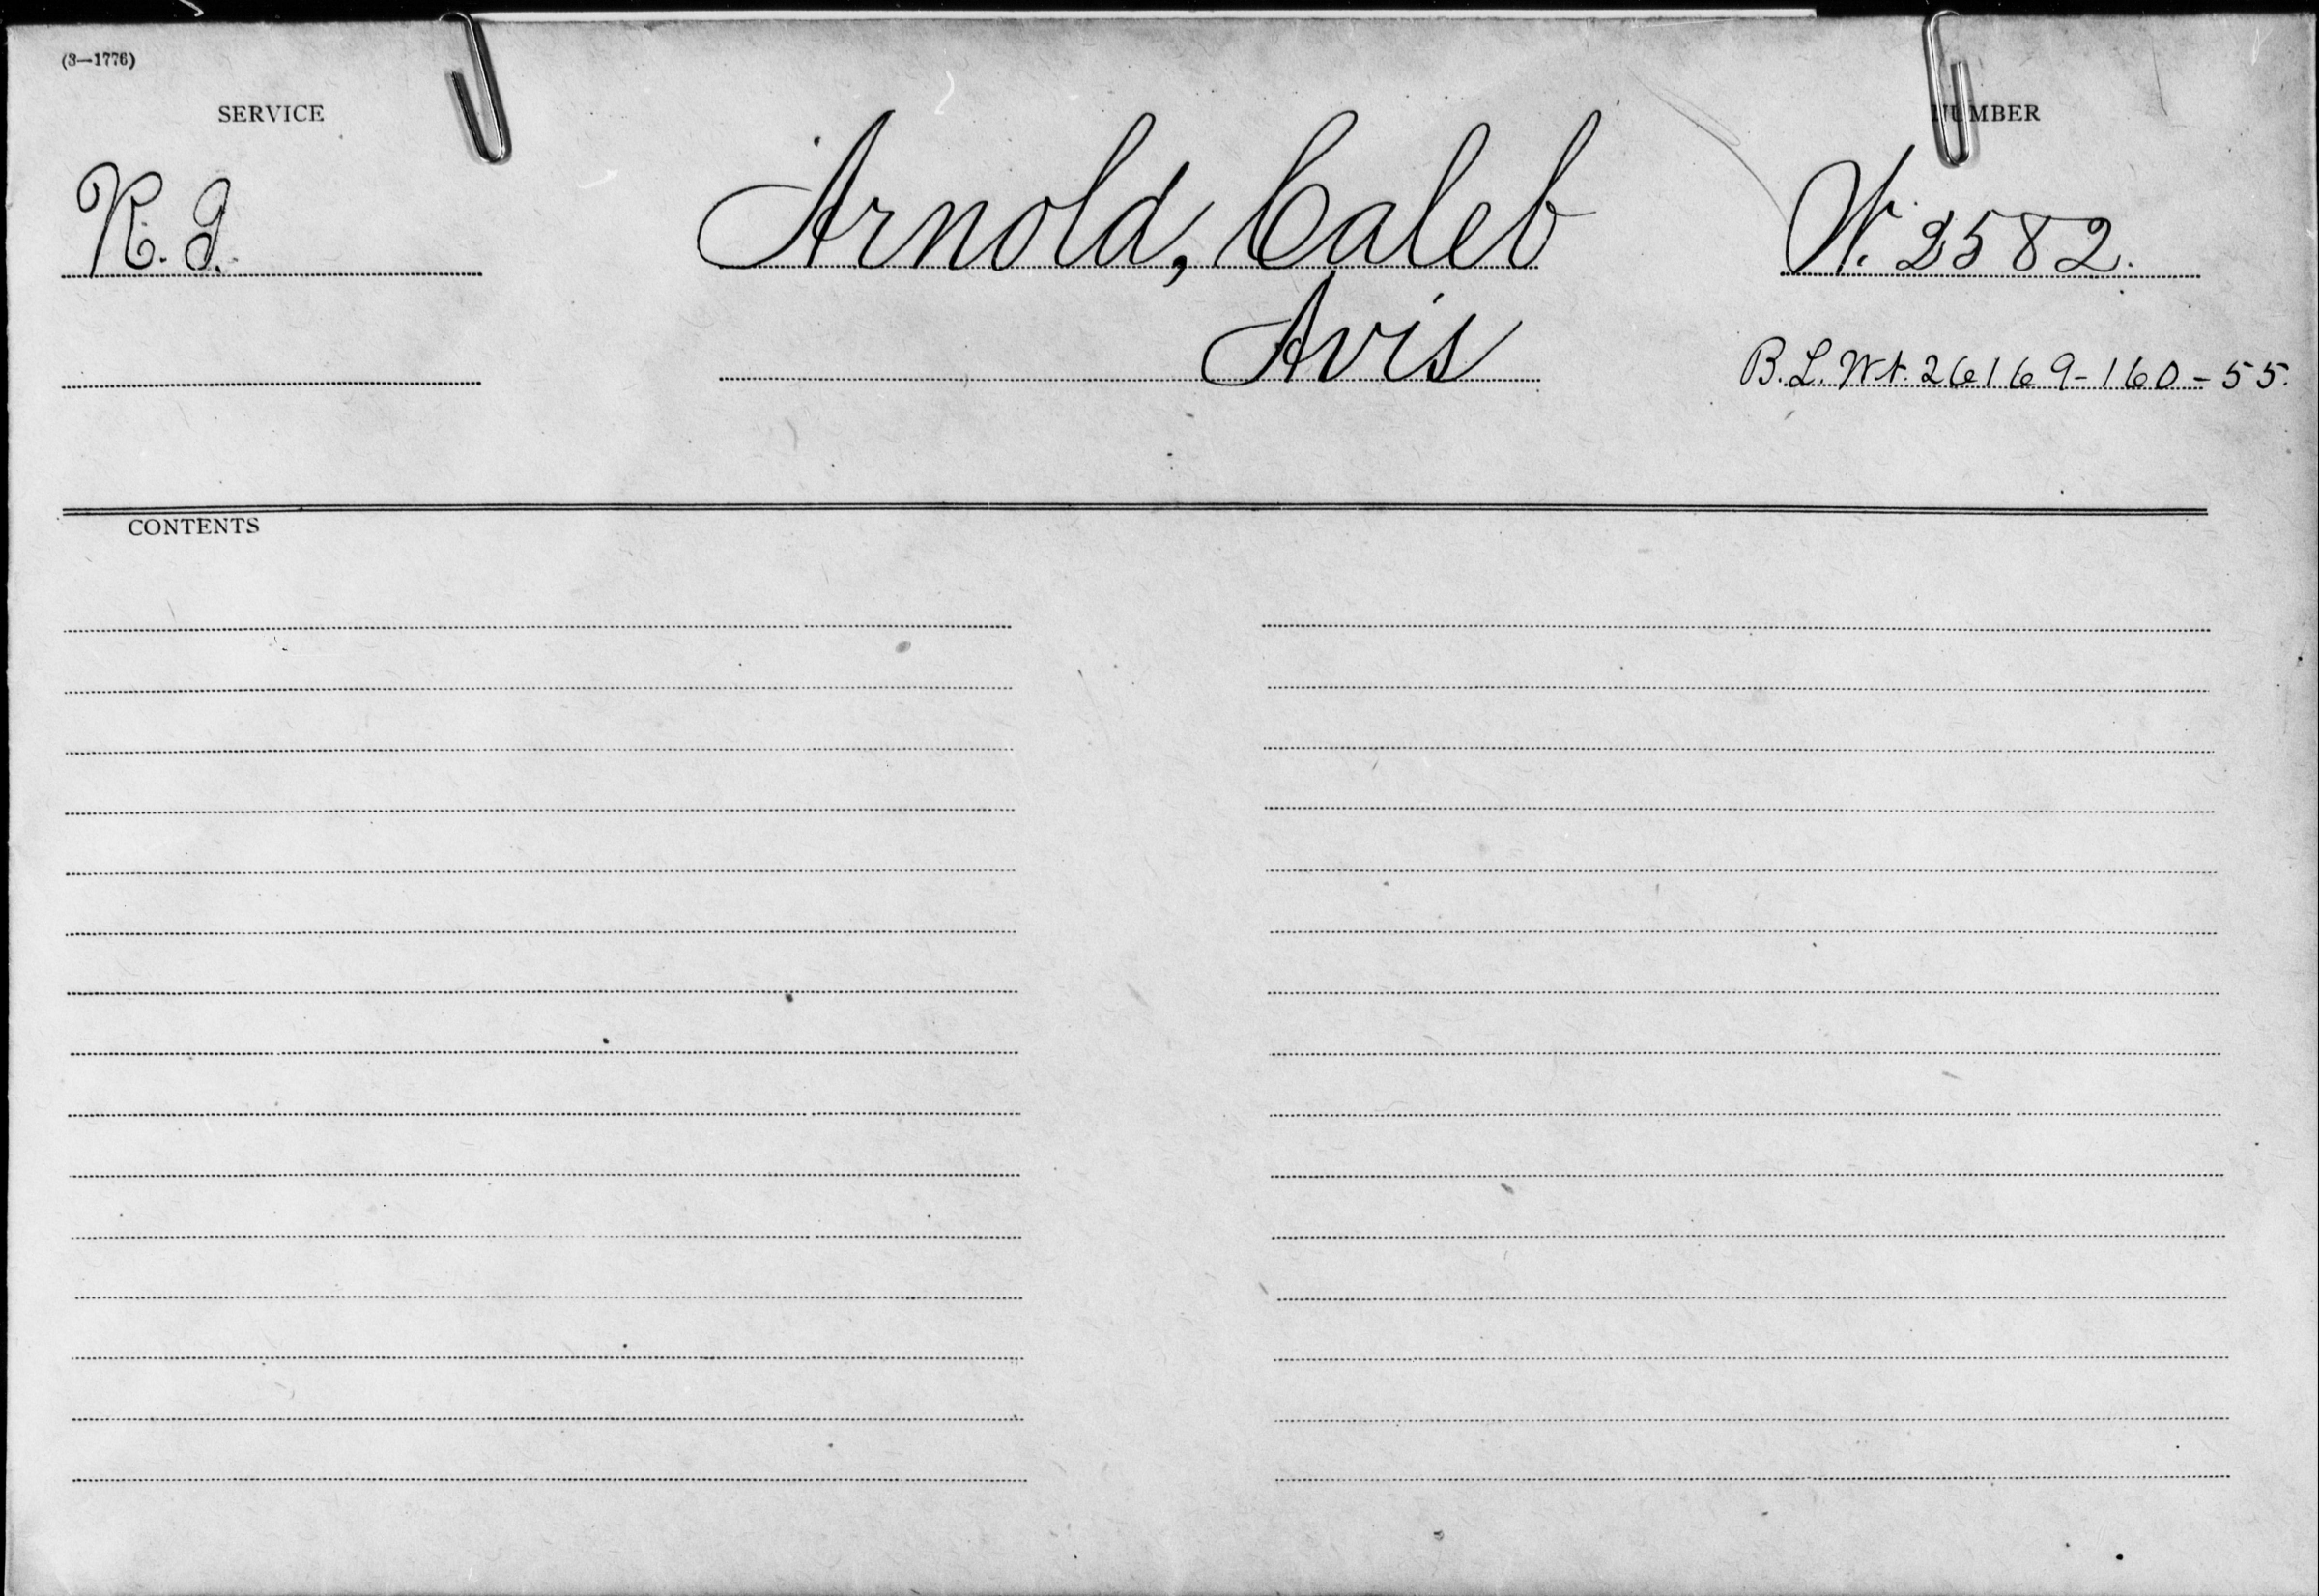Service Number
R. I. Arnold, Caleb W.2582
Avis B.L.Wr .26169-160-55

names: Avis Arnold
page: 1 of 29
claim: widow's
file: W. 2582, Caleb Arnold, R.I.